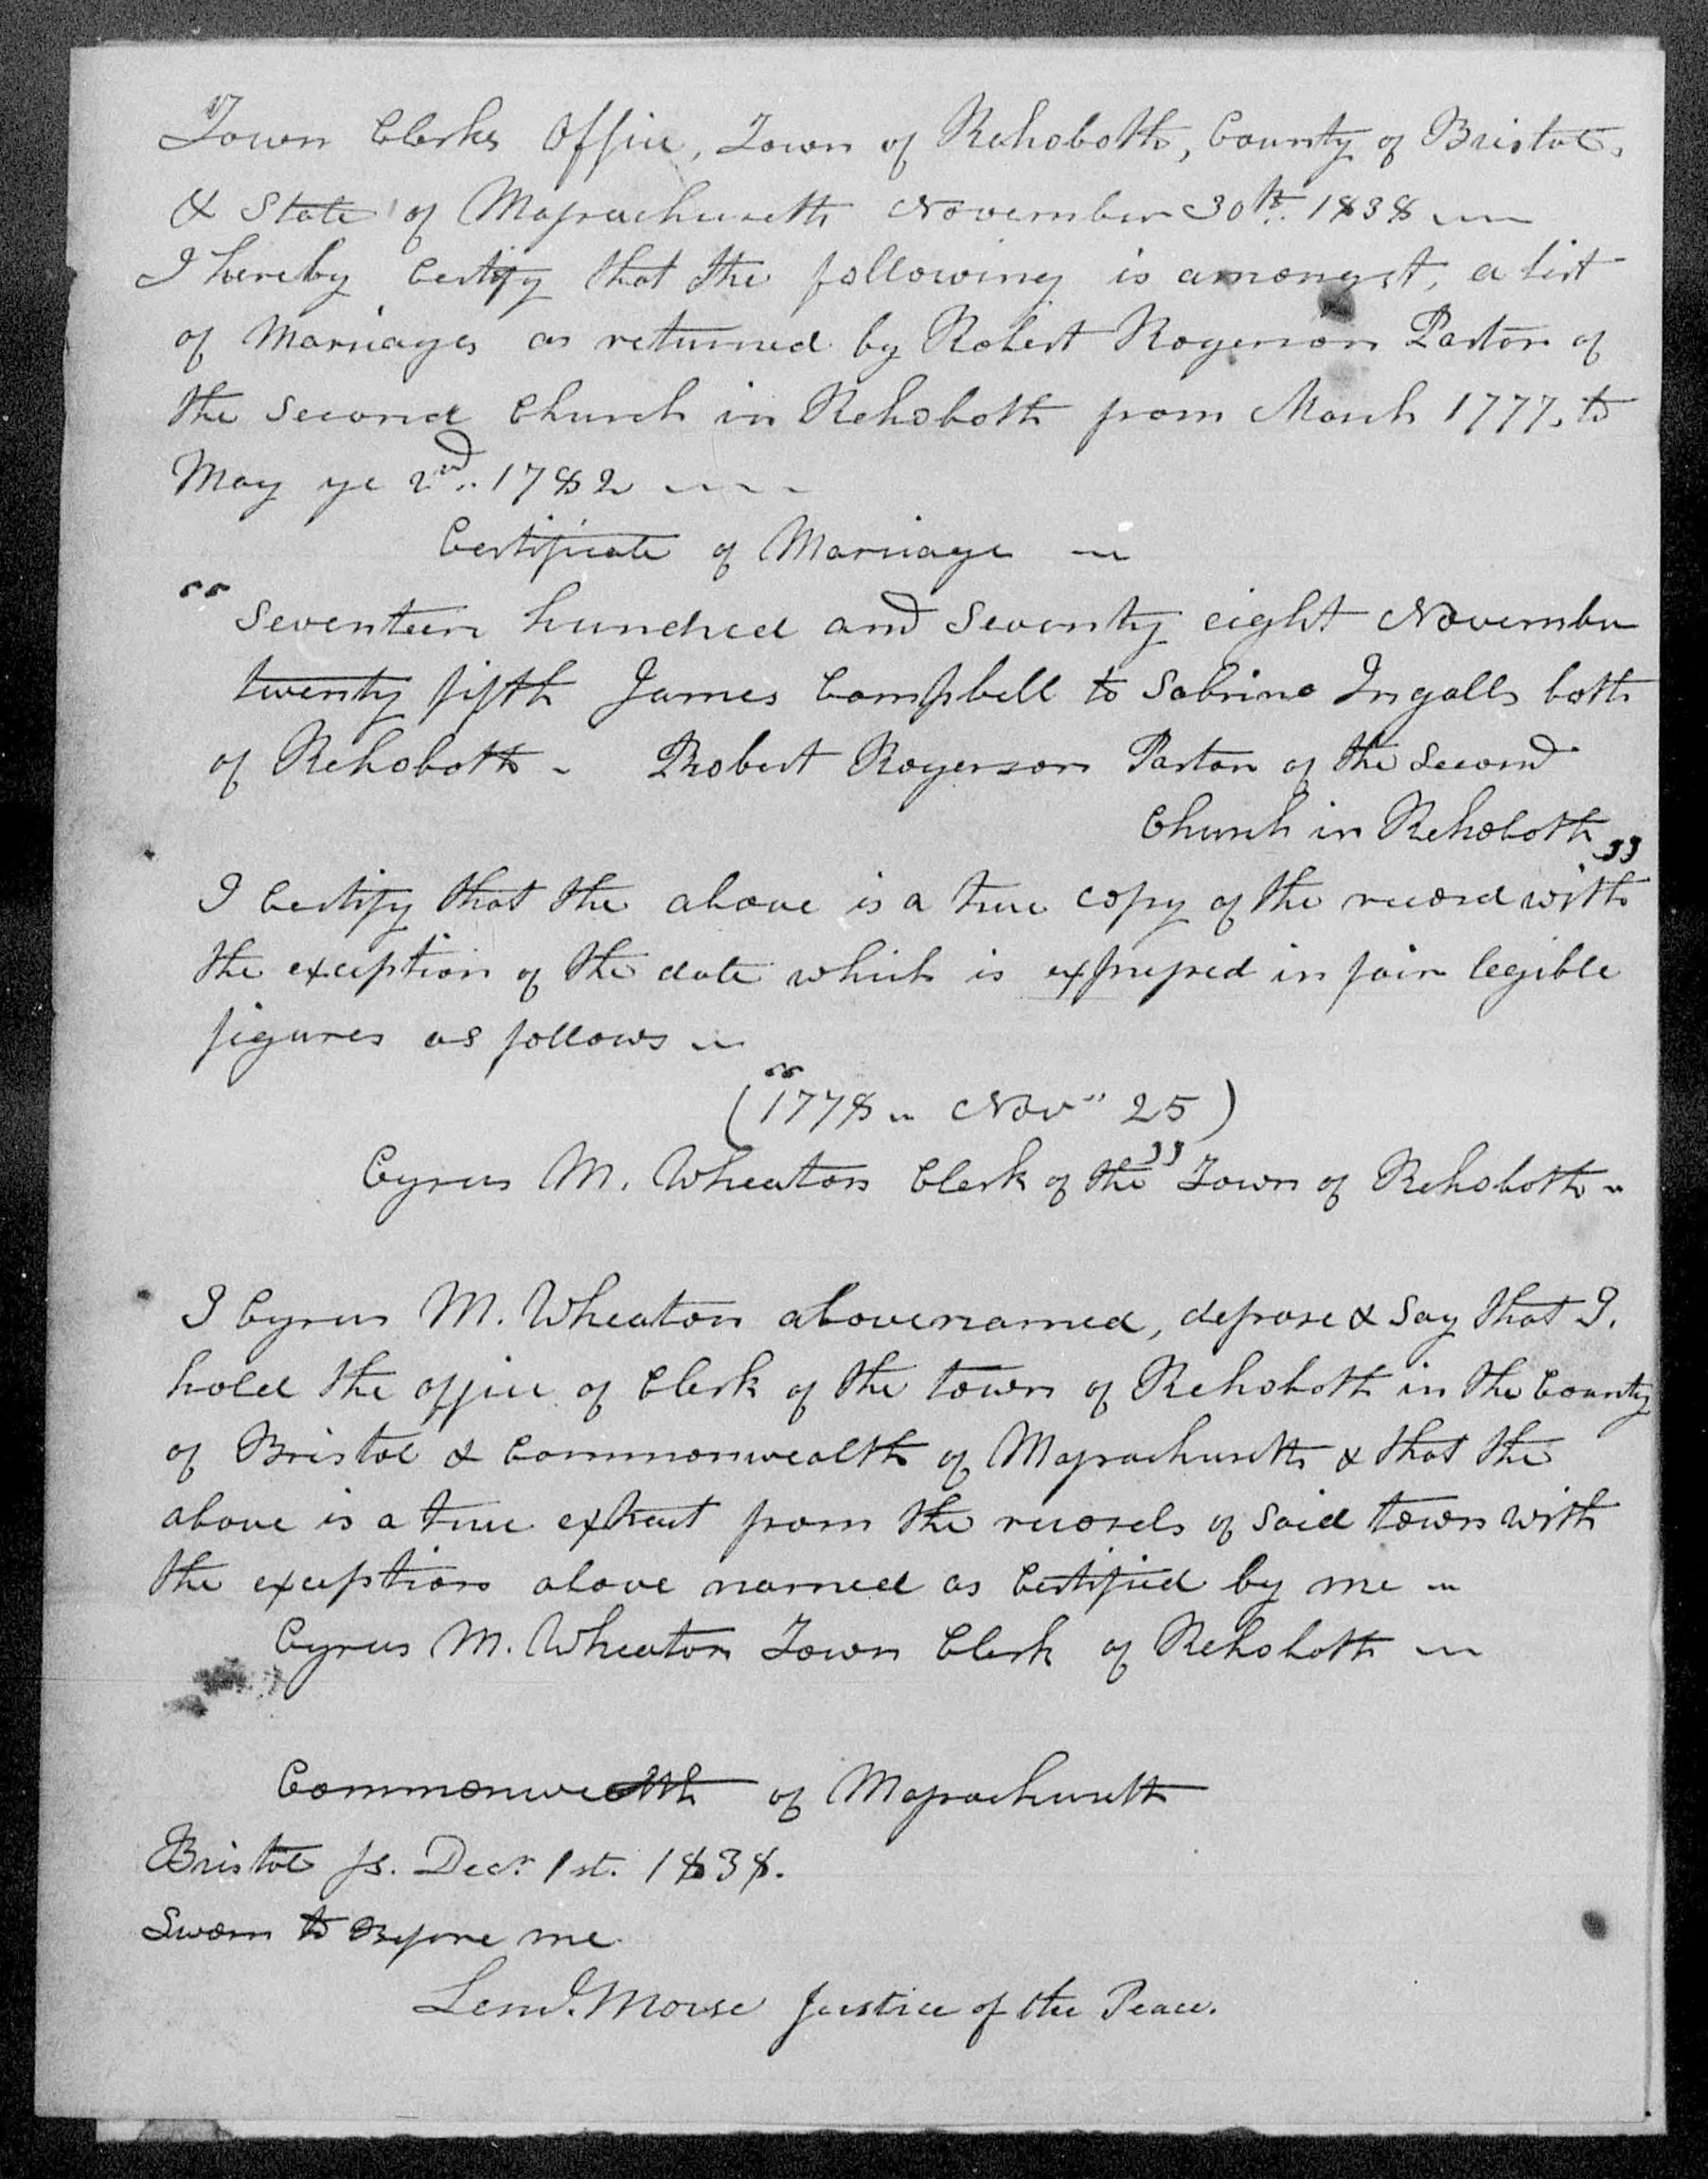Town Clerks Office, Town of Rehoboth, County of Bristol & State of Massachusetts November 30th 1838 ~
I
I hereby certify that the following is amongst a list of Marriages as returned by Robert Rogerson Pastor of the second church in Rehoboth from March 1777, to May ye 2nd. 1782 ~

Certificate of Marriage ~
"Seventeen hundred and Seventy eight November twenty fifth James Campbell to Sabrina Ingalls both of Rehoboth ~
Robert Rogerson Pastor of the Second
Church in Rehoboth"

I certify that the above is a true copy of the record with the exception of the date which is expressed in fair legible figures as follows ~
("1778 ~ Nov" 25 )
Cyrus M. Wheaton Clerk of the Town of Rehoboth ~

I Cyrus M. Wheaton abovenamed, depose & say that I, hold the office of Clerk of the town of Rehoboth in the County of Bristol & Commonwealth of Massachusetts & that the
above is a true extract from the records of said town with the exception above named as certified by me ~
Cyrus M. Wheaton Town Clerk of Rehoboth~

Commonwealth of Massachusetts
Bristol ss. Decr. 1st. 1838.
Sworn to Before me
Leml. Morse Justice of the Peace.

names: Cyrus M Wheaton, Cyrus M Wheaton, Sabrino Ingalls, Robert Rogerson, Cyrus M Wheaton, Leml Morse, James Campbell, Robert Rogerson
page: 13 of 67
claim: widow's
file: W. 23772, James Campbell, Continental Mass.